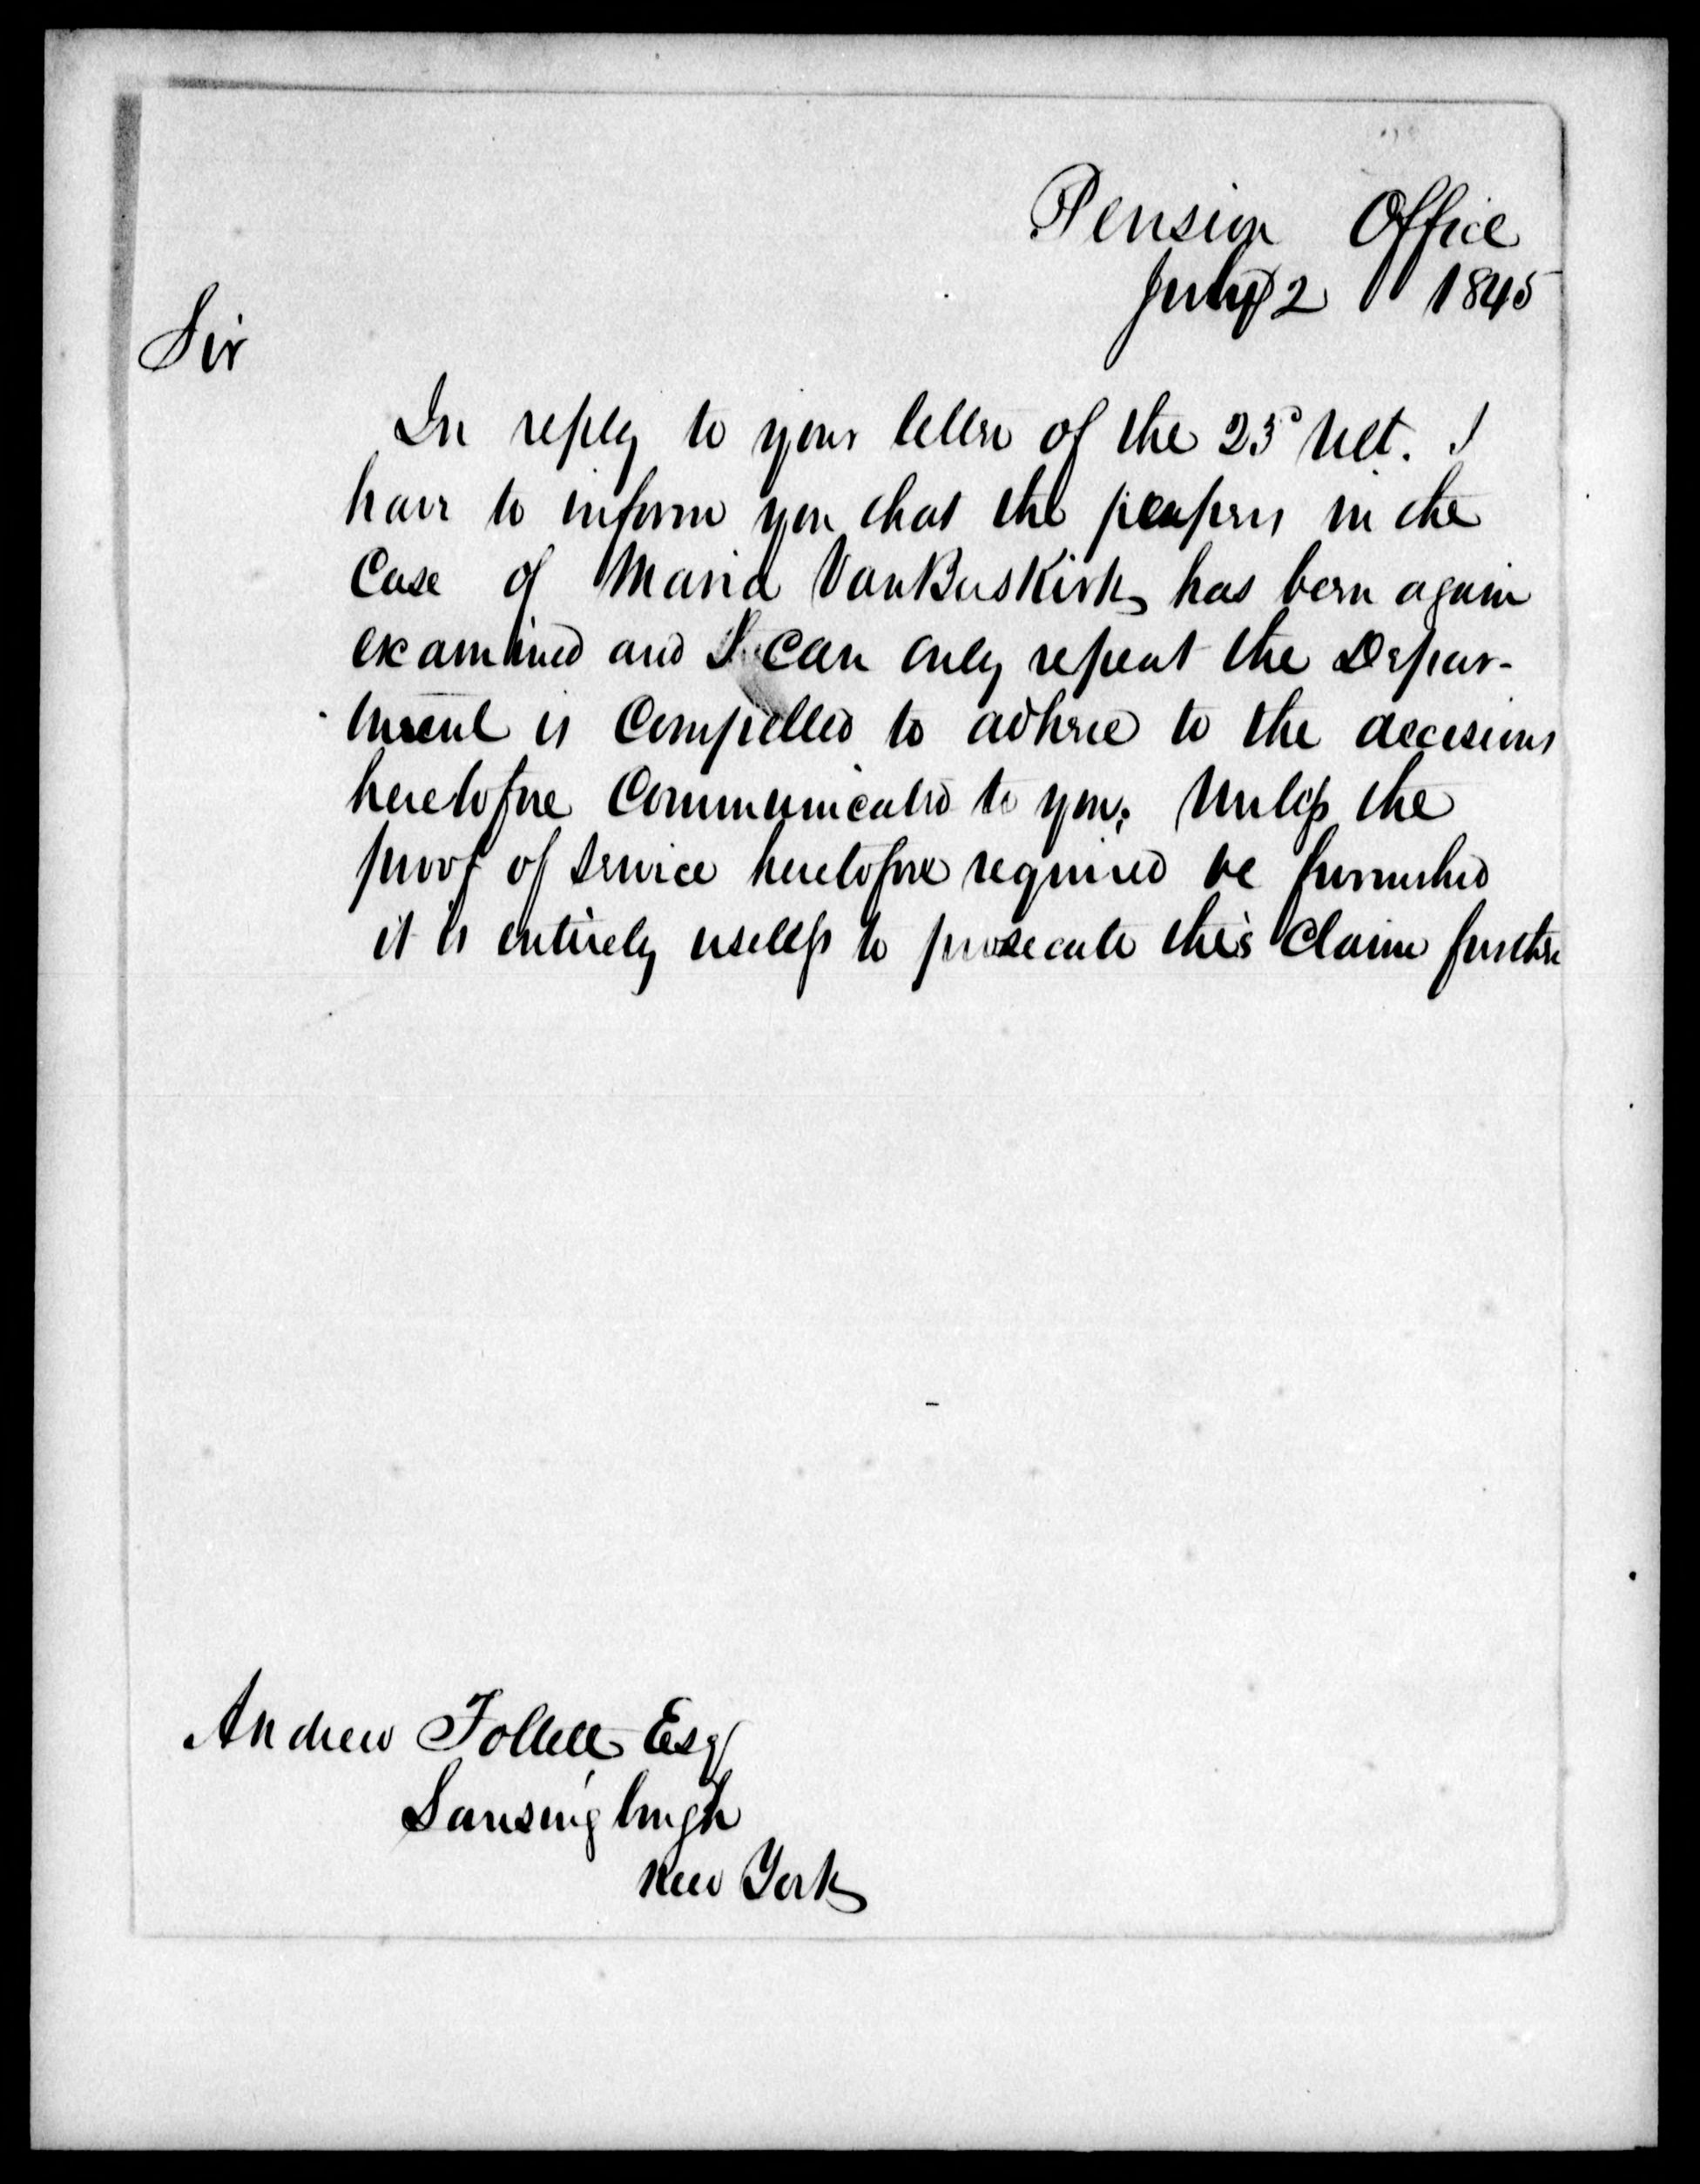Pension Office
July 2 1845

Sir
In reply to your letter of the 23d Ult. I  have to inform you that the papers in the case of Maria Van Buskirk has been again examined and I can only repeat the deparment is compelled to adhere to the decisions therefore communicated to you.  Unless the proof of service heretofore required be furnished it is entirely useless to prosecute this claim further

Andrew Follett Esq
Lansingburgh
New York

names: Andrew Follett, Maria Van Buskirk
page: 47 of 70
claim: rejected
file: R. 10,832, Martin Van Buskirk, New York.